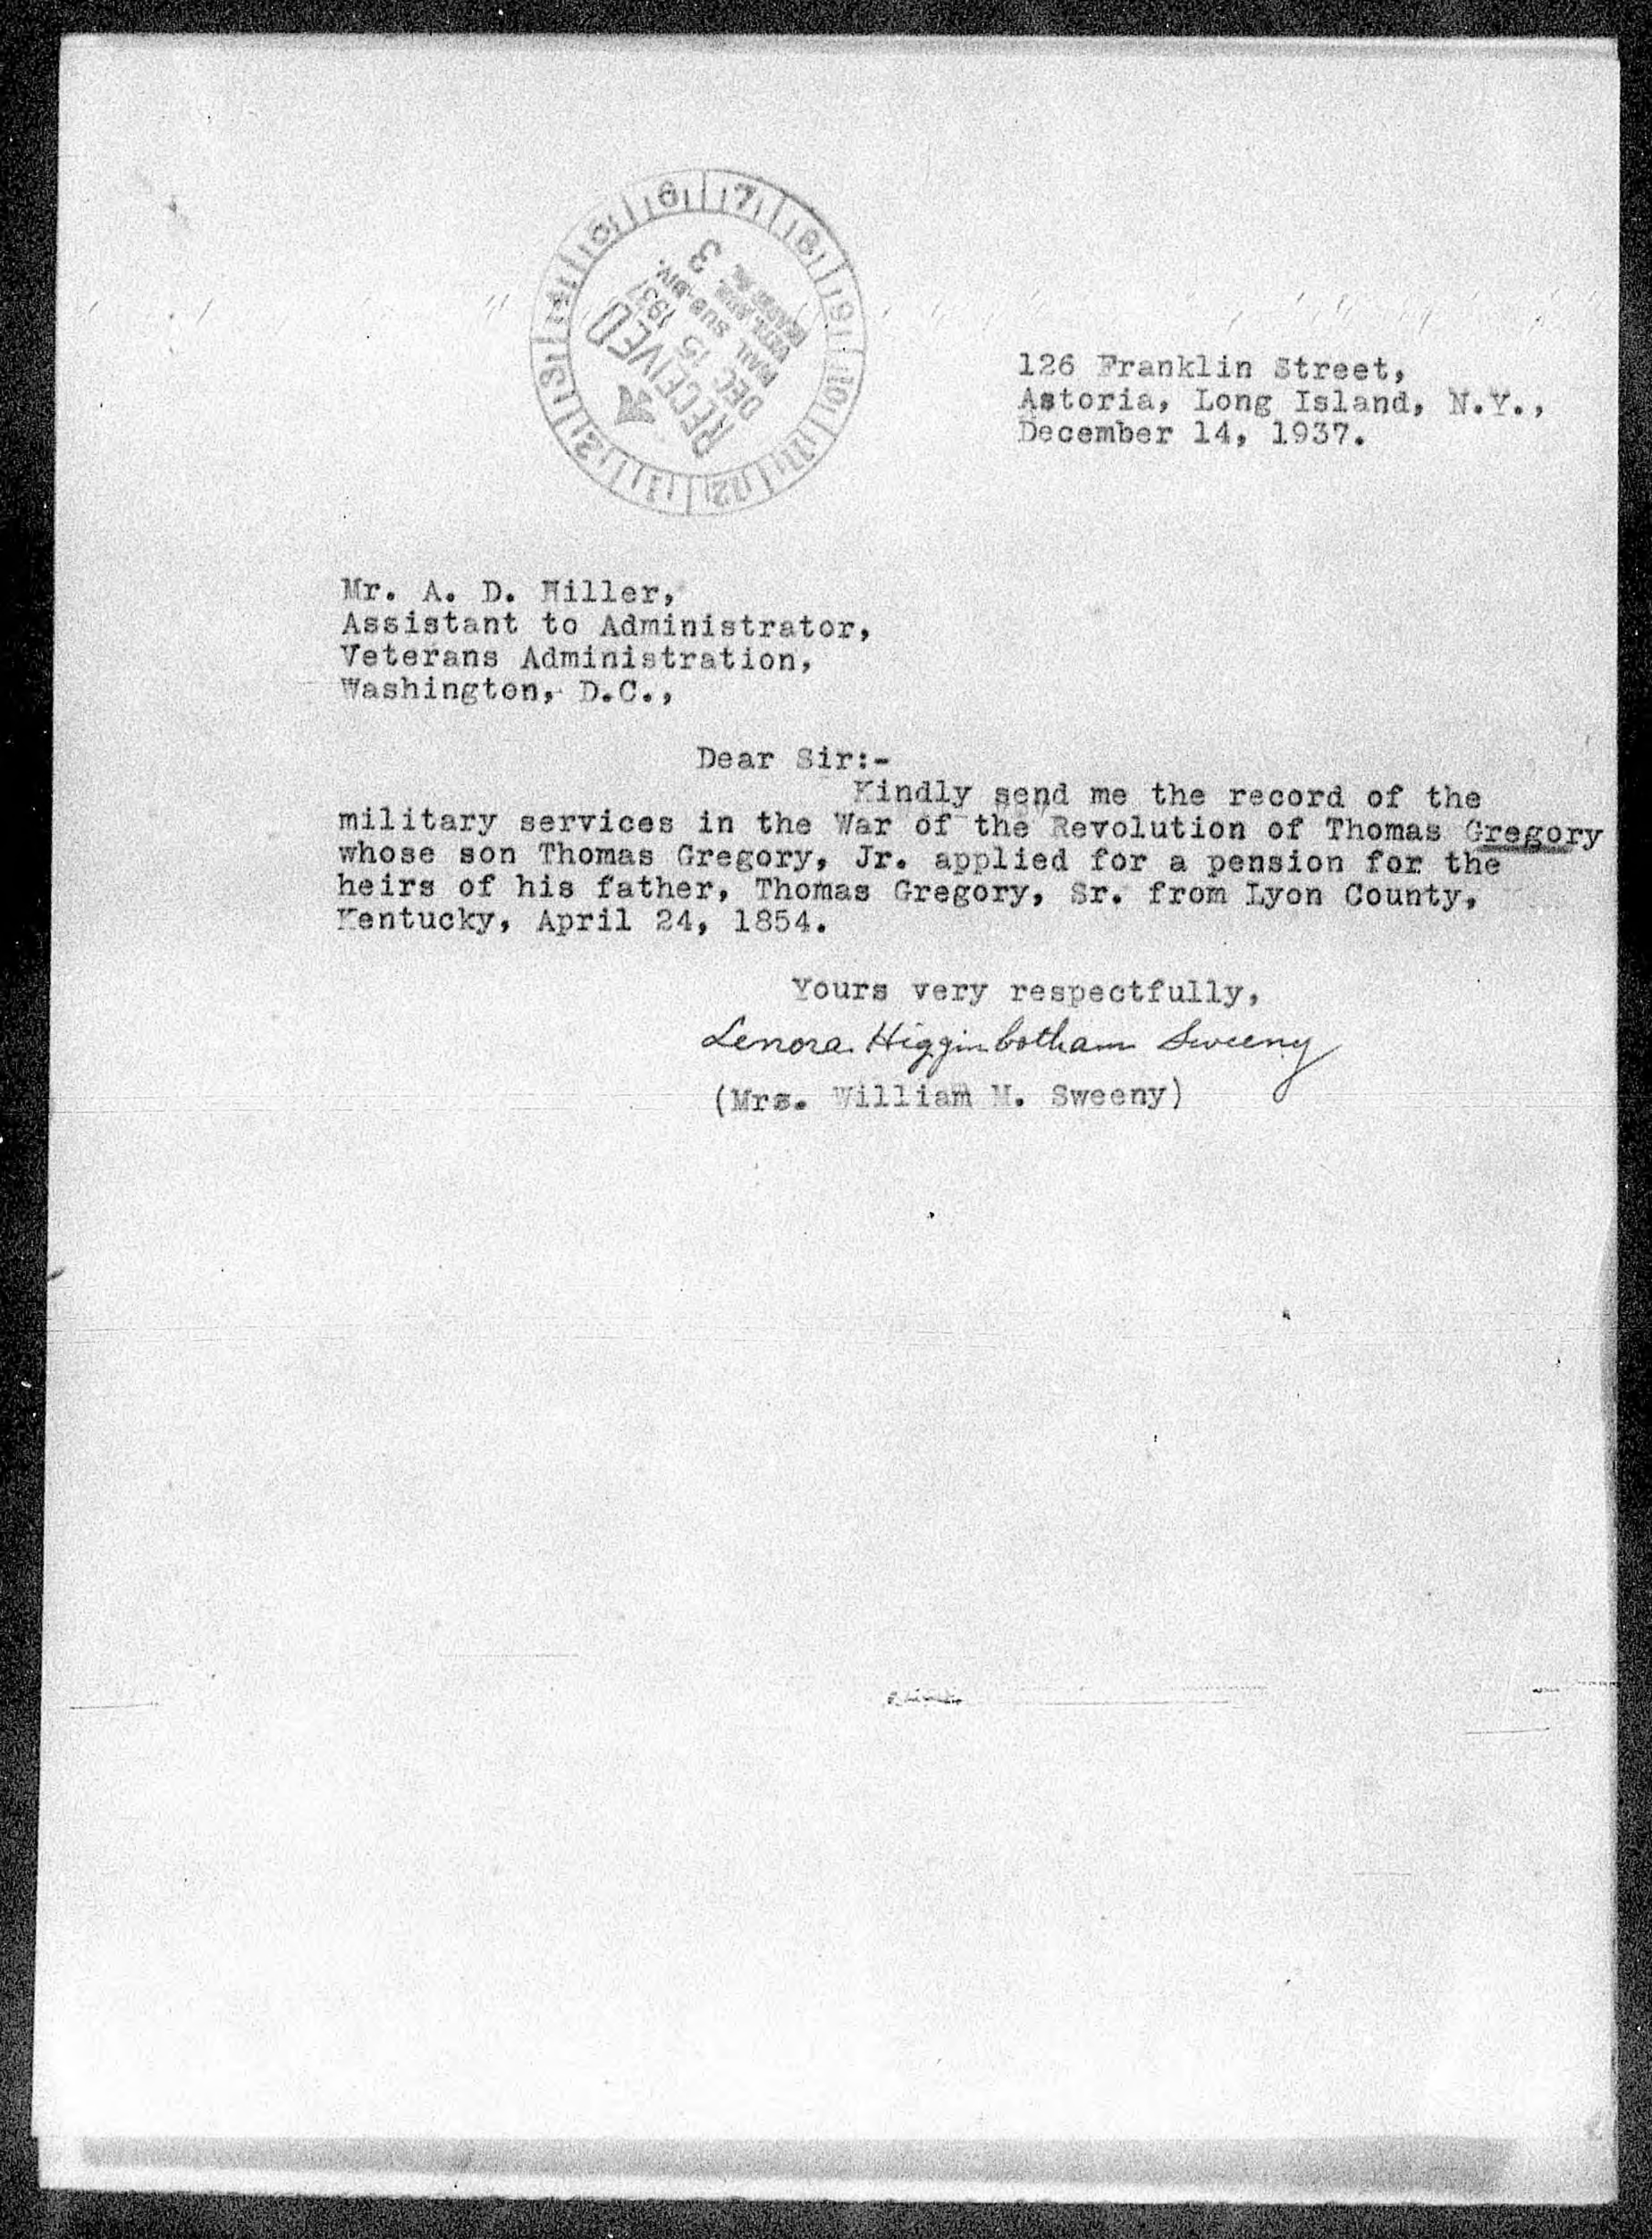[[Seal]]

126 Franklin Street,
Astoria, Long Island, N.Y.,
December 14, 1937.

Mr. A. D. Hiller,
Assistant to Administrator,
Veterans Administration,
Washington, D.C.,
Dear Sir:-
Kindly send me the record of the
military services in the War of the Revolution of Thomas Gregory.
whose son Thomas Gregory, Jr. applied for a pension for the
heirs of his father, Thomas Gregory, Sr. from Lyon County,
Kentucky, April 24, 1854.

Yours very respectfully,
Lenora Higginbotham Sweeny
(Mrs. William M. Sweeny)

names: William M Sweeny, Thomas Gregory, Thomas Gregory, Thomas Gregory, A D Hiller, Lenora Higginbotham Sweeny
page: 17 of 75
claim: widow's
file: W. 8876, Thomas Gregory, Continental Va